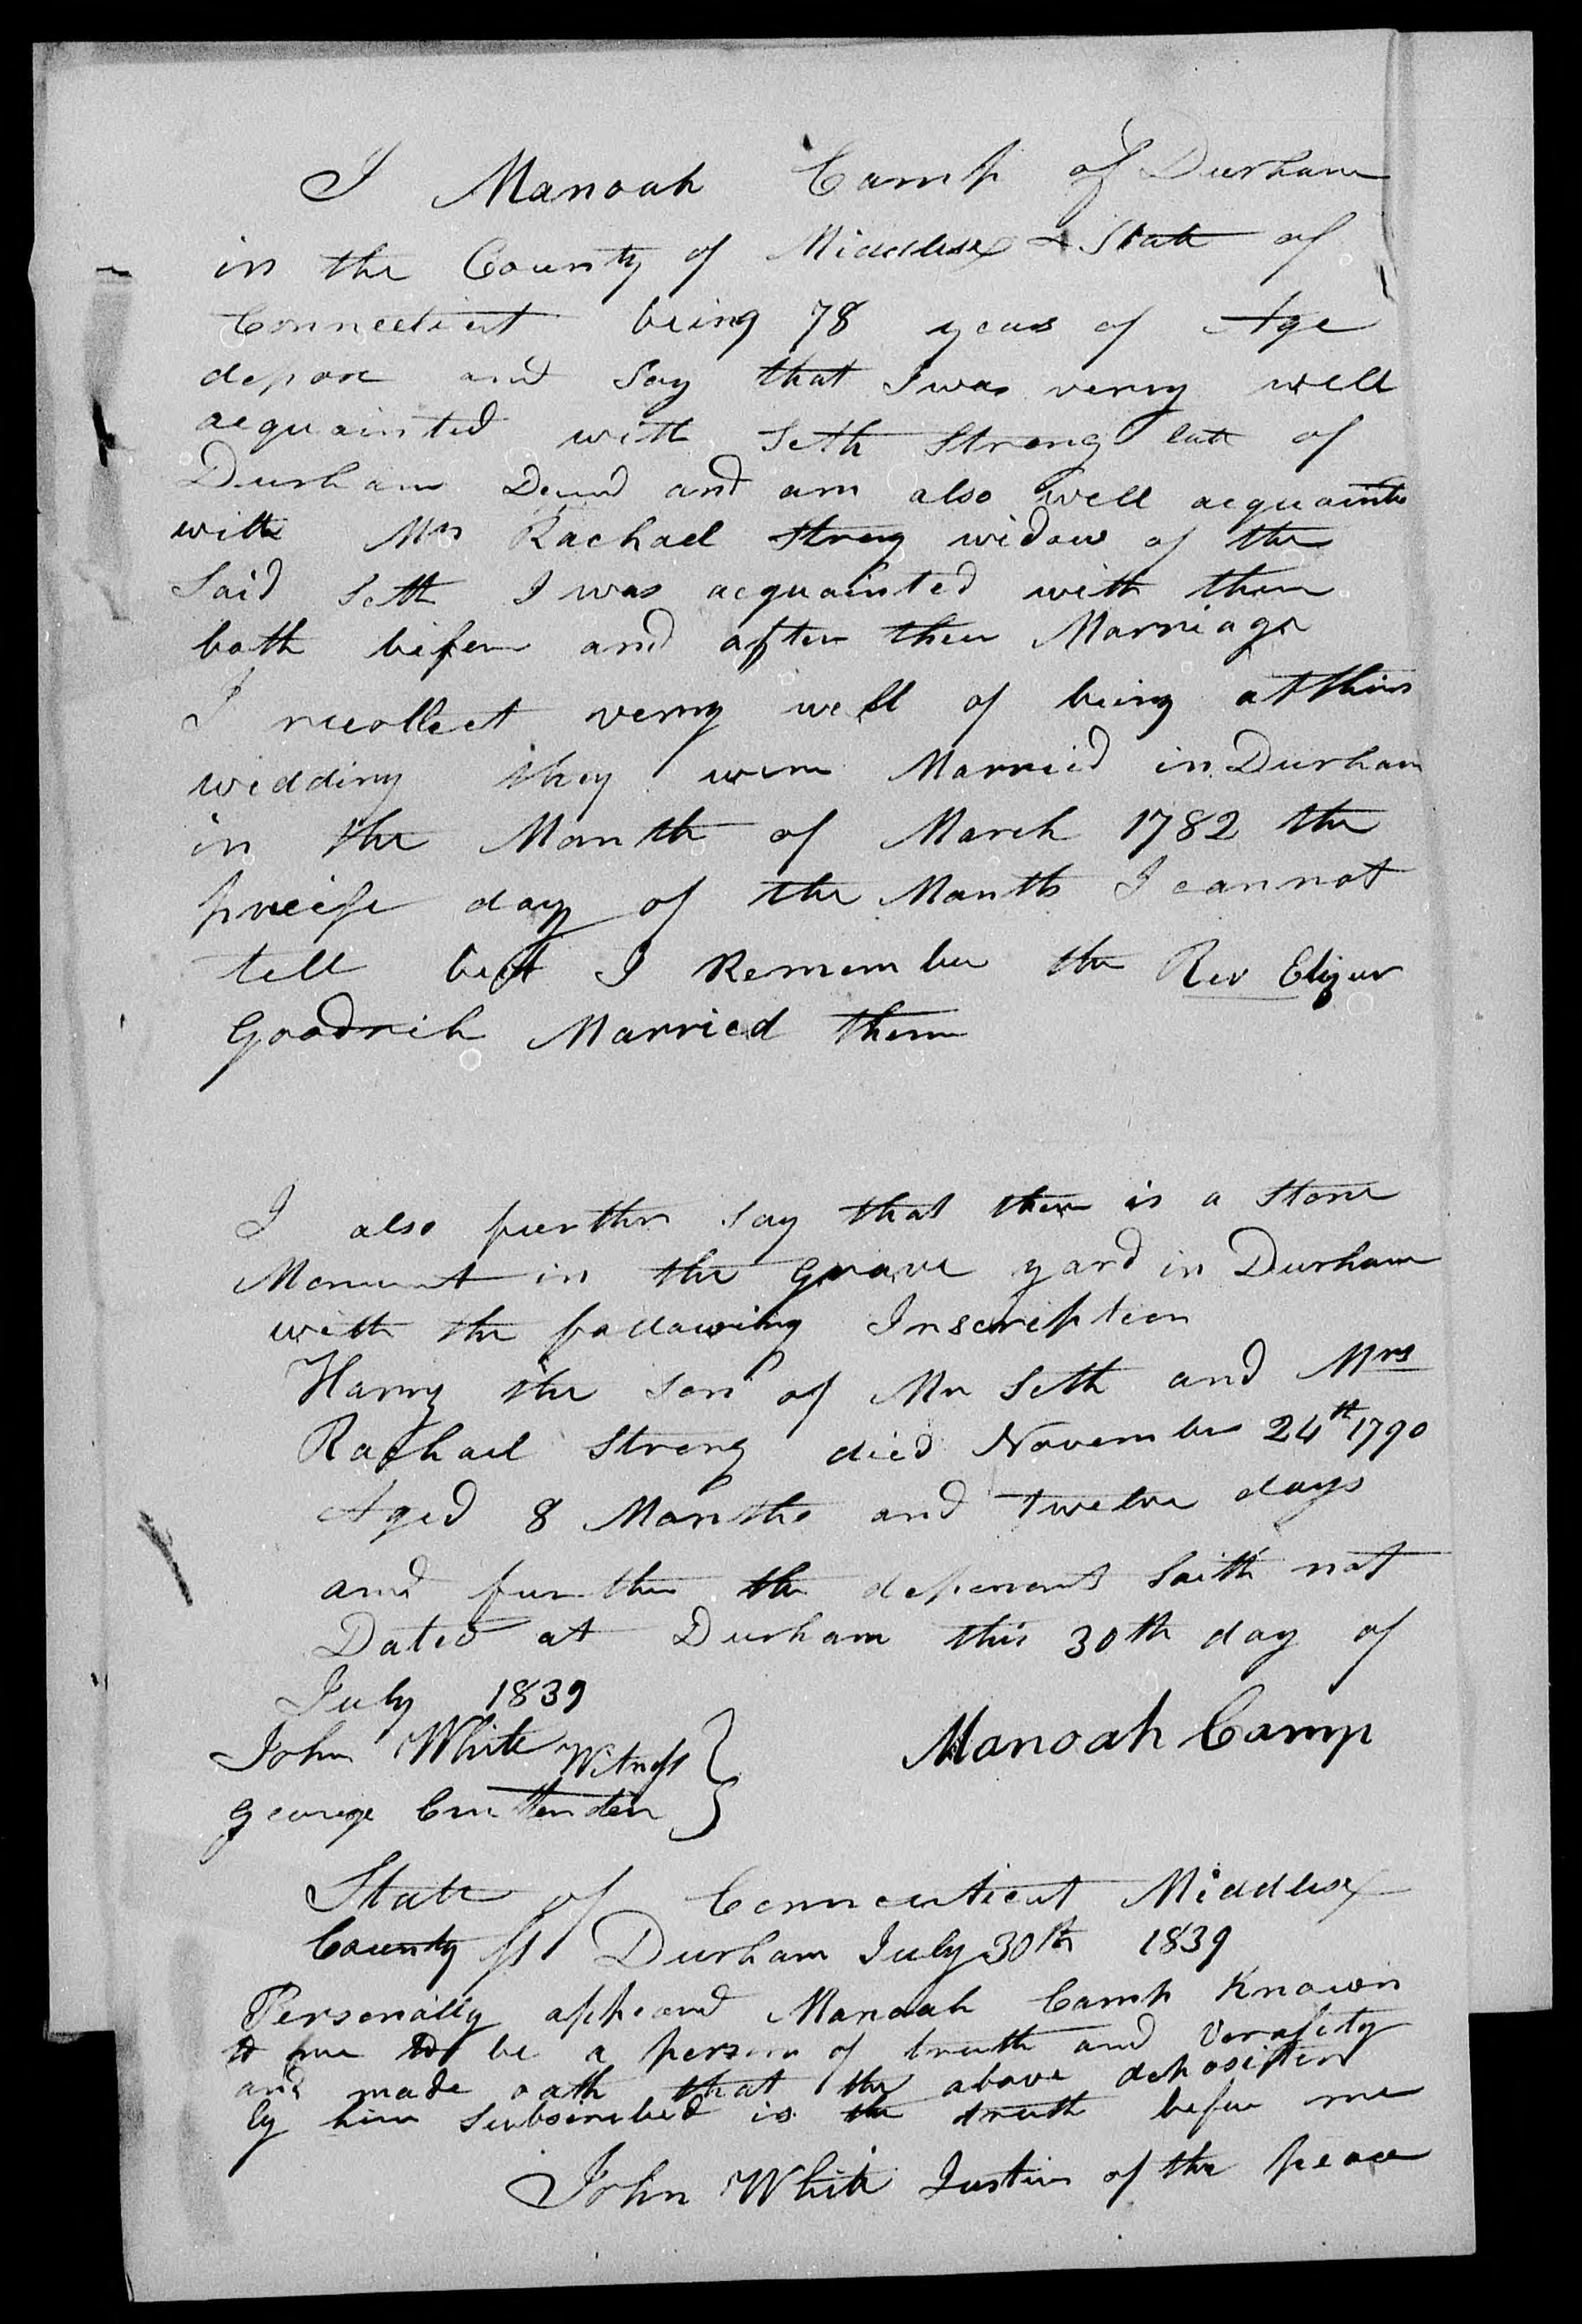I Manoah Camp of Durham in the County of Middlesex & State of Connecticut being 78 years of Age depose and Say that I was very well acquainted with Seth Strong late of Durham Decd and am also well acquainted with Mrs Rachael Strong widow of the Said Seth I was acquainted with them both before and after their Marriage. I recollect very well of being at their wedding they were Married in Durham in the Month of March 1782 the precise day of the Month I cannot tell but I remember the Rev Elizur Goodrich married them

I also further say that there is a Stone Monument in the grave yard in Durham with the following Inscription
Harry the son of Mr. Seth and Mrs Rachael Strong died November 24th 1790 Aged 8 Months and twelve days and further the deponent Saith not

Dated at Durham this 30th day of July 1839

Manoah Camp

John White Witness
George Crittenden

State of Connecticut Middlesex County ss Durham July 30th 1839

Personally appeared Manoah Camp known to me to be a person of truth and verascity and made oath that the above deposition by him Subscribed is the truth before me

John White  Justice of the Peace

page: 38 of 47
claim: widow's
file: W. 17879, for Seth Strong, Connecticut